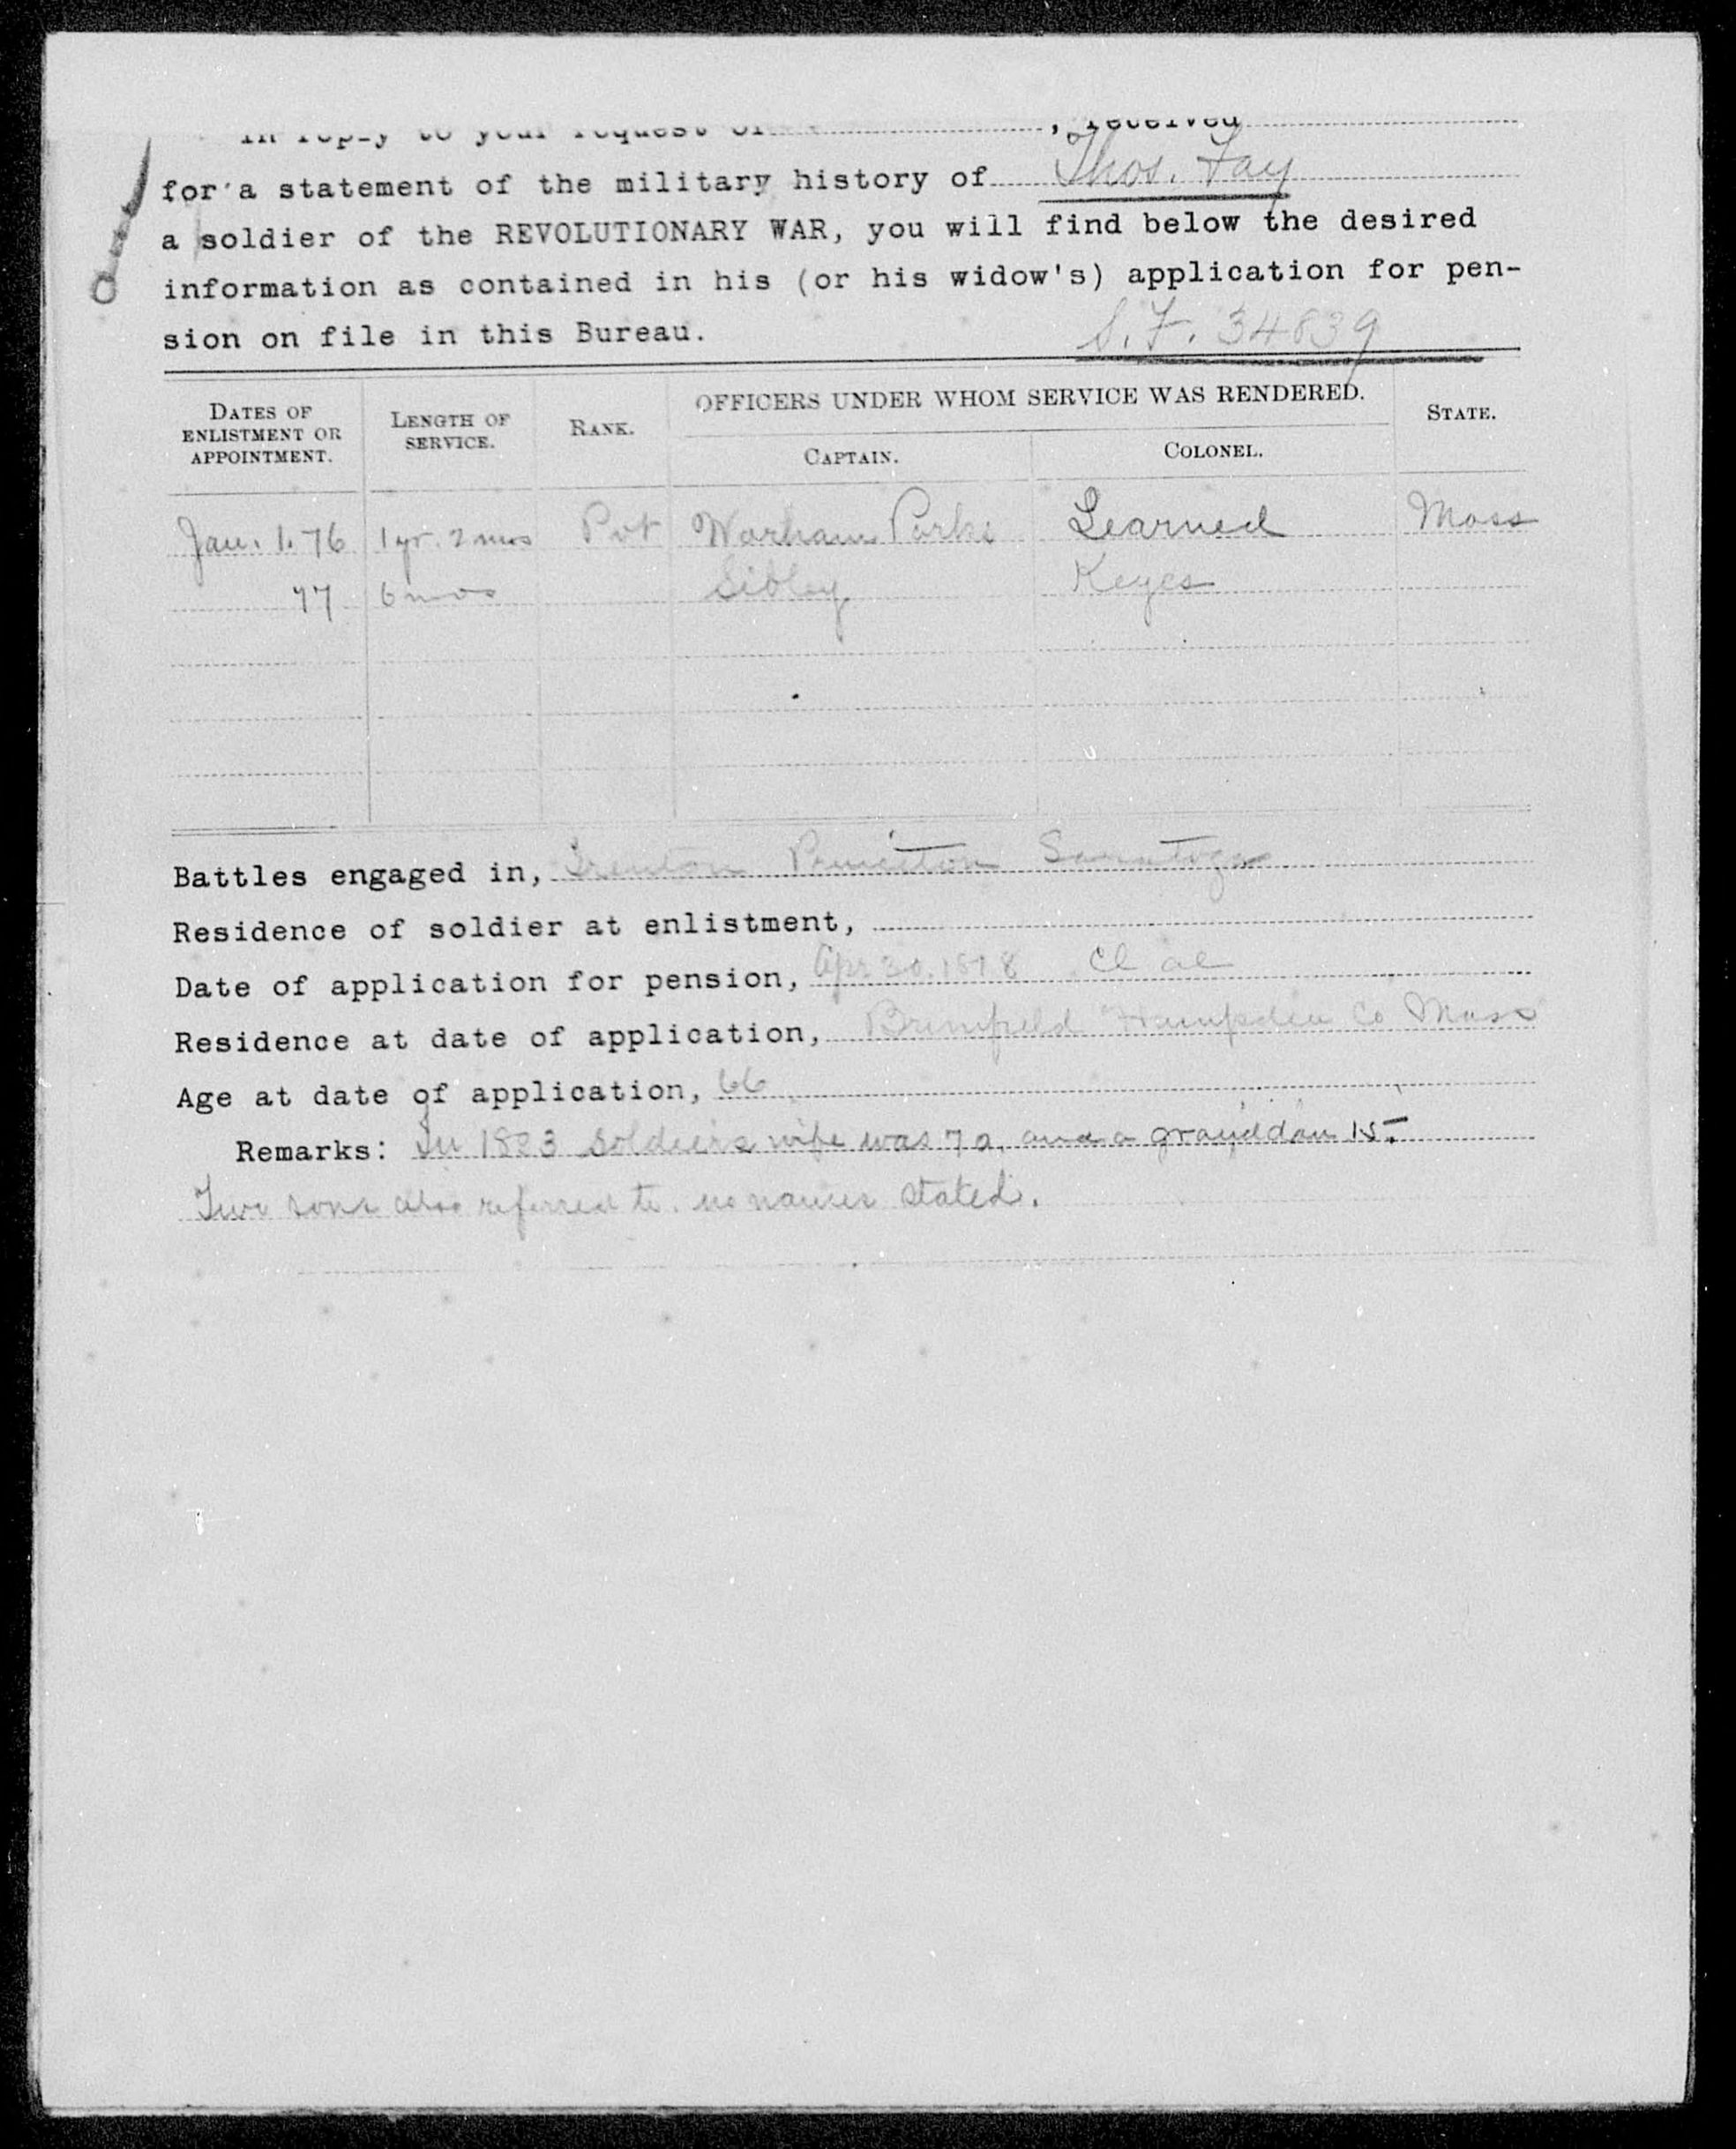for a statement of the military history of Thos. Fay a soldier of the REVOLUTIONARY WAR, you will find below the desired information as contained in his (or his widow's) application for pension on file in this Bureau.
S. F. 34839

DATES OF ENLISTMENT OR APPOINTMENT.
Jan. 1  76
77

LENGTH OF SERVICE.
1 yr. 2 mos.
6 mos. 

RANK.
Pvt

OFFICERS UNDER WHOM SERVICE WAS RENDERED.
CAPTAIN.
Warham Parks
Sibley

COLONEL.
Learned
Keyes

STATE.
Mass

Battles engage in, Trenton, Princeton, Saratoga

Residence of soldier at enlistment,

Date of application for pension, April 30, 1898 
Residence at date of application, Brimfield Hampden Co. Mass

Age at date of application,  66

Remarks: In 1823 soldiers wife was 72, and a grand dau 15. Two sons also referred to - no names stated.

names: Warham Parks, Learned, Sibley, Thos Fay, Keyes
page: 12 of 31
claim: survivor's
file: S. 34,839, Thomas Fay, Mass.